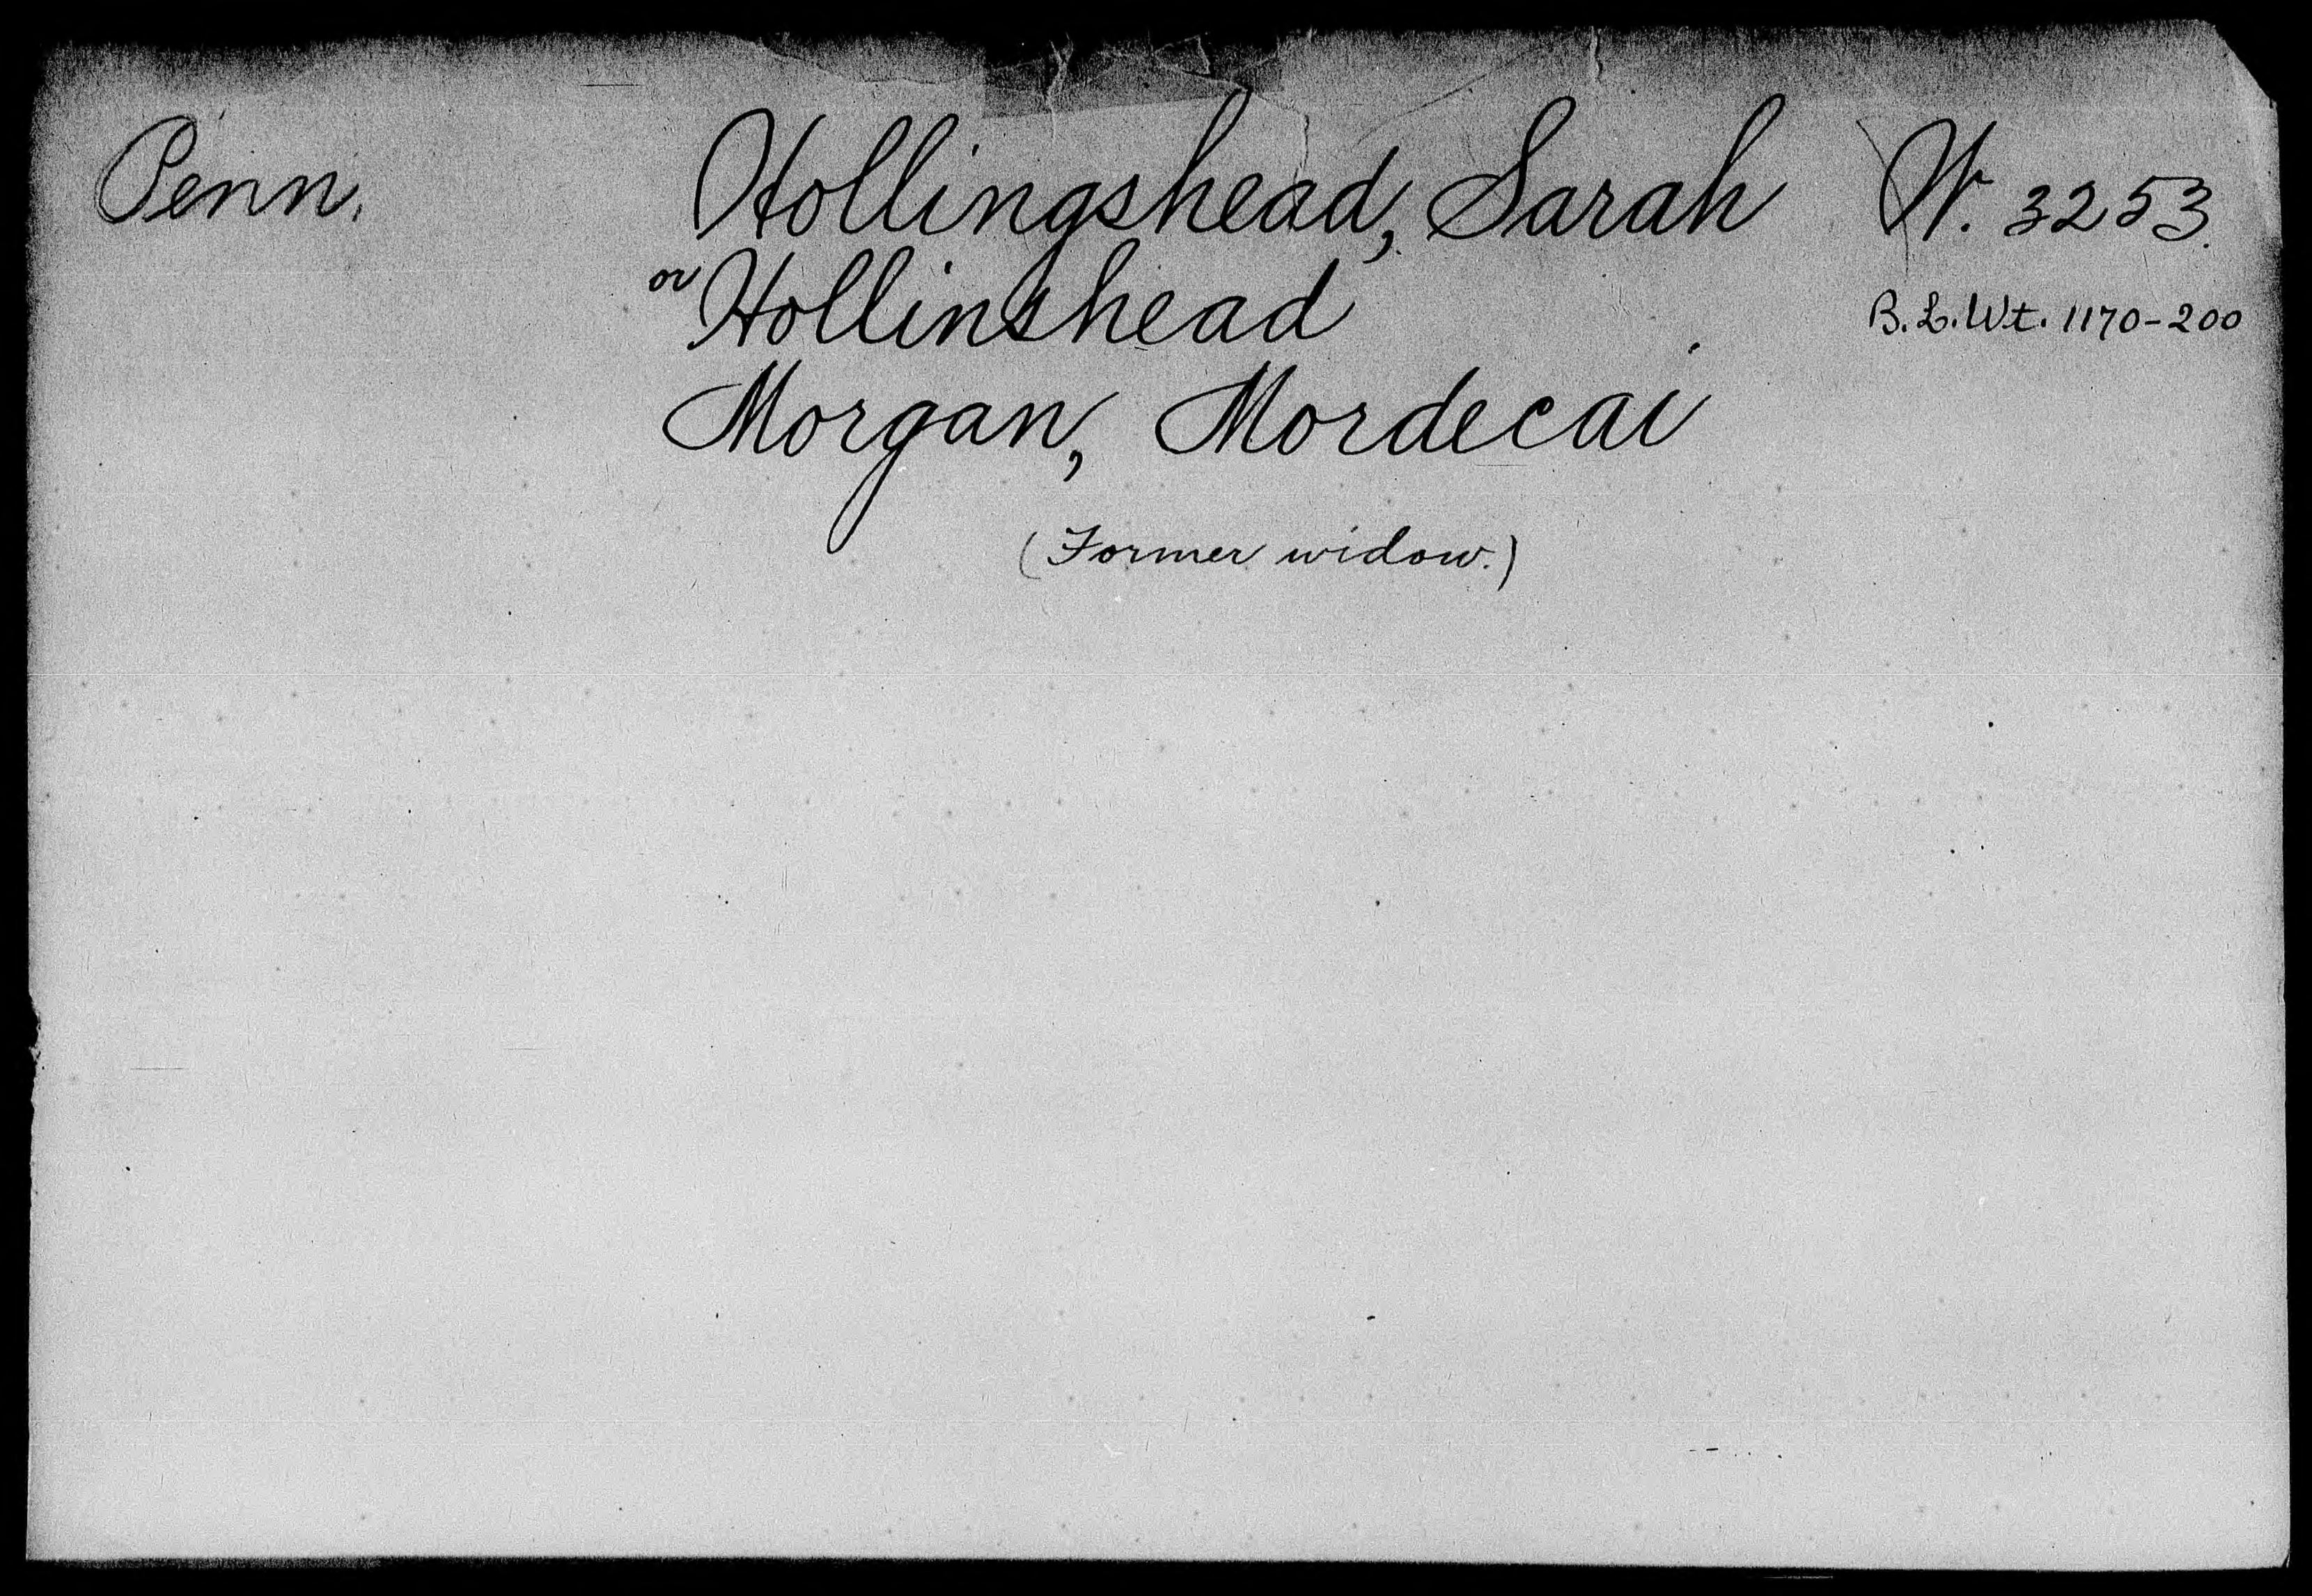Penn.      Hollingshead, Sarah    W.3253
                or Hollinshead                B.L.Wt. 1170-200
                  Morgan, Mordecai
                     (Former widow)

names: Sarah Hollinshead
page: 1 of 1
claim: widow's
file: W. 3253, Sarah Hollingshead, Penn.